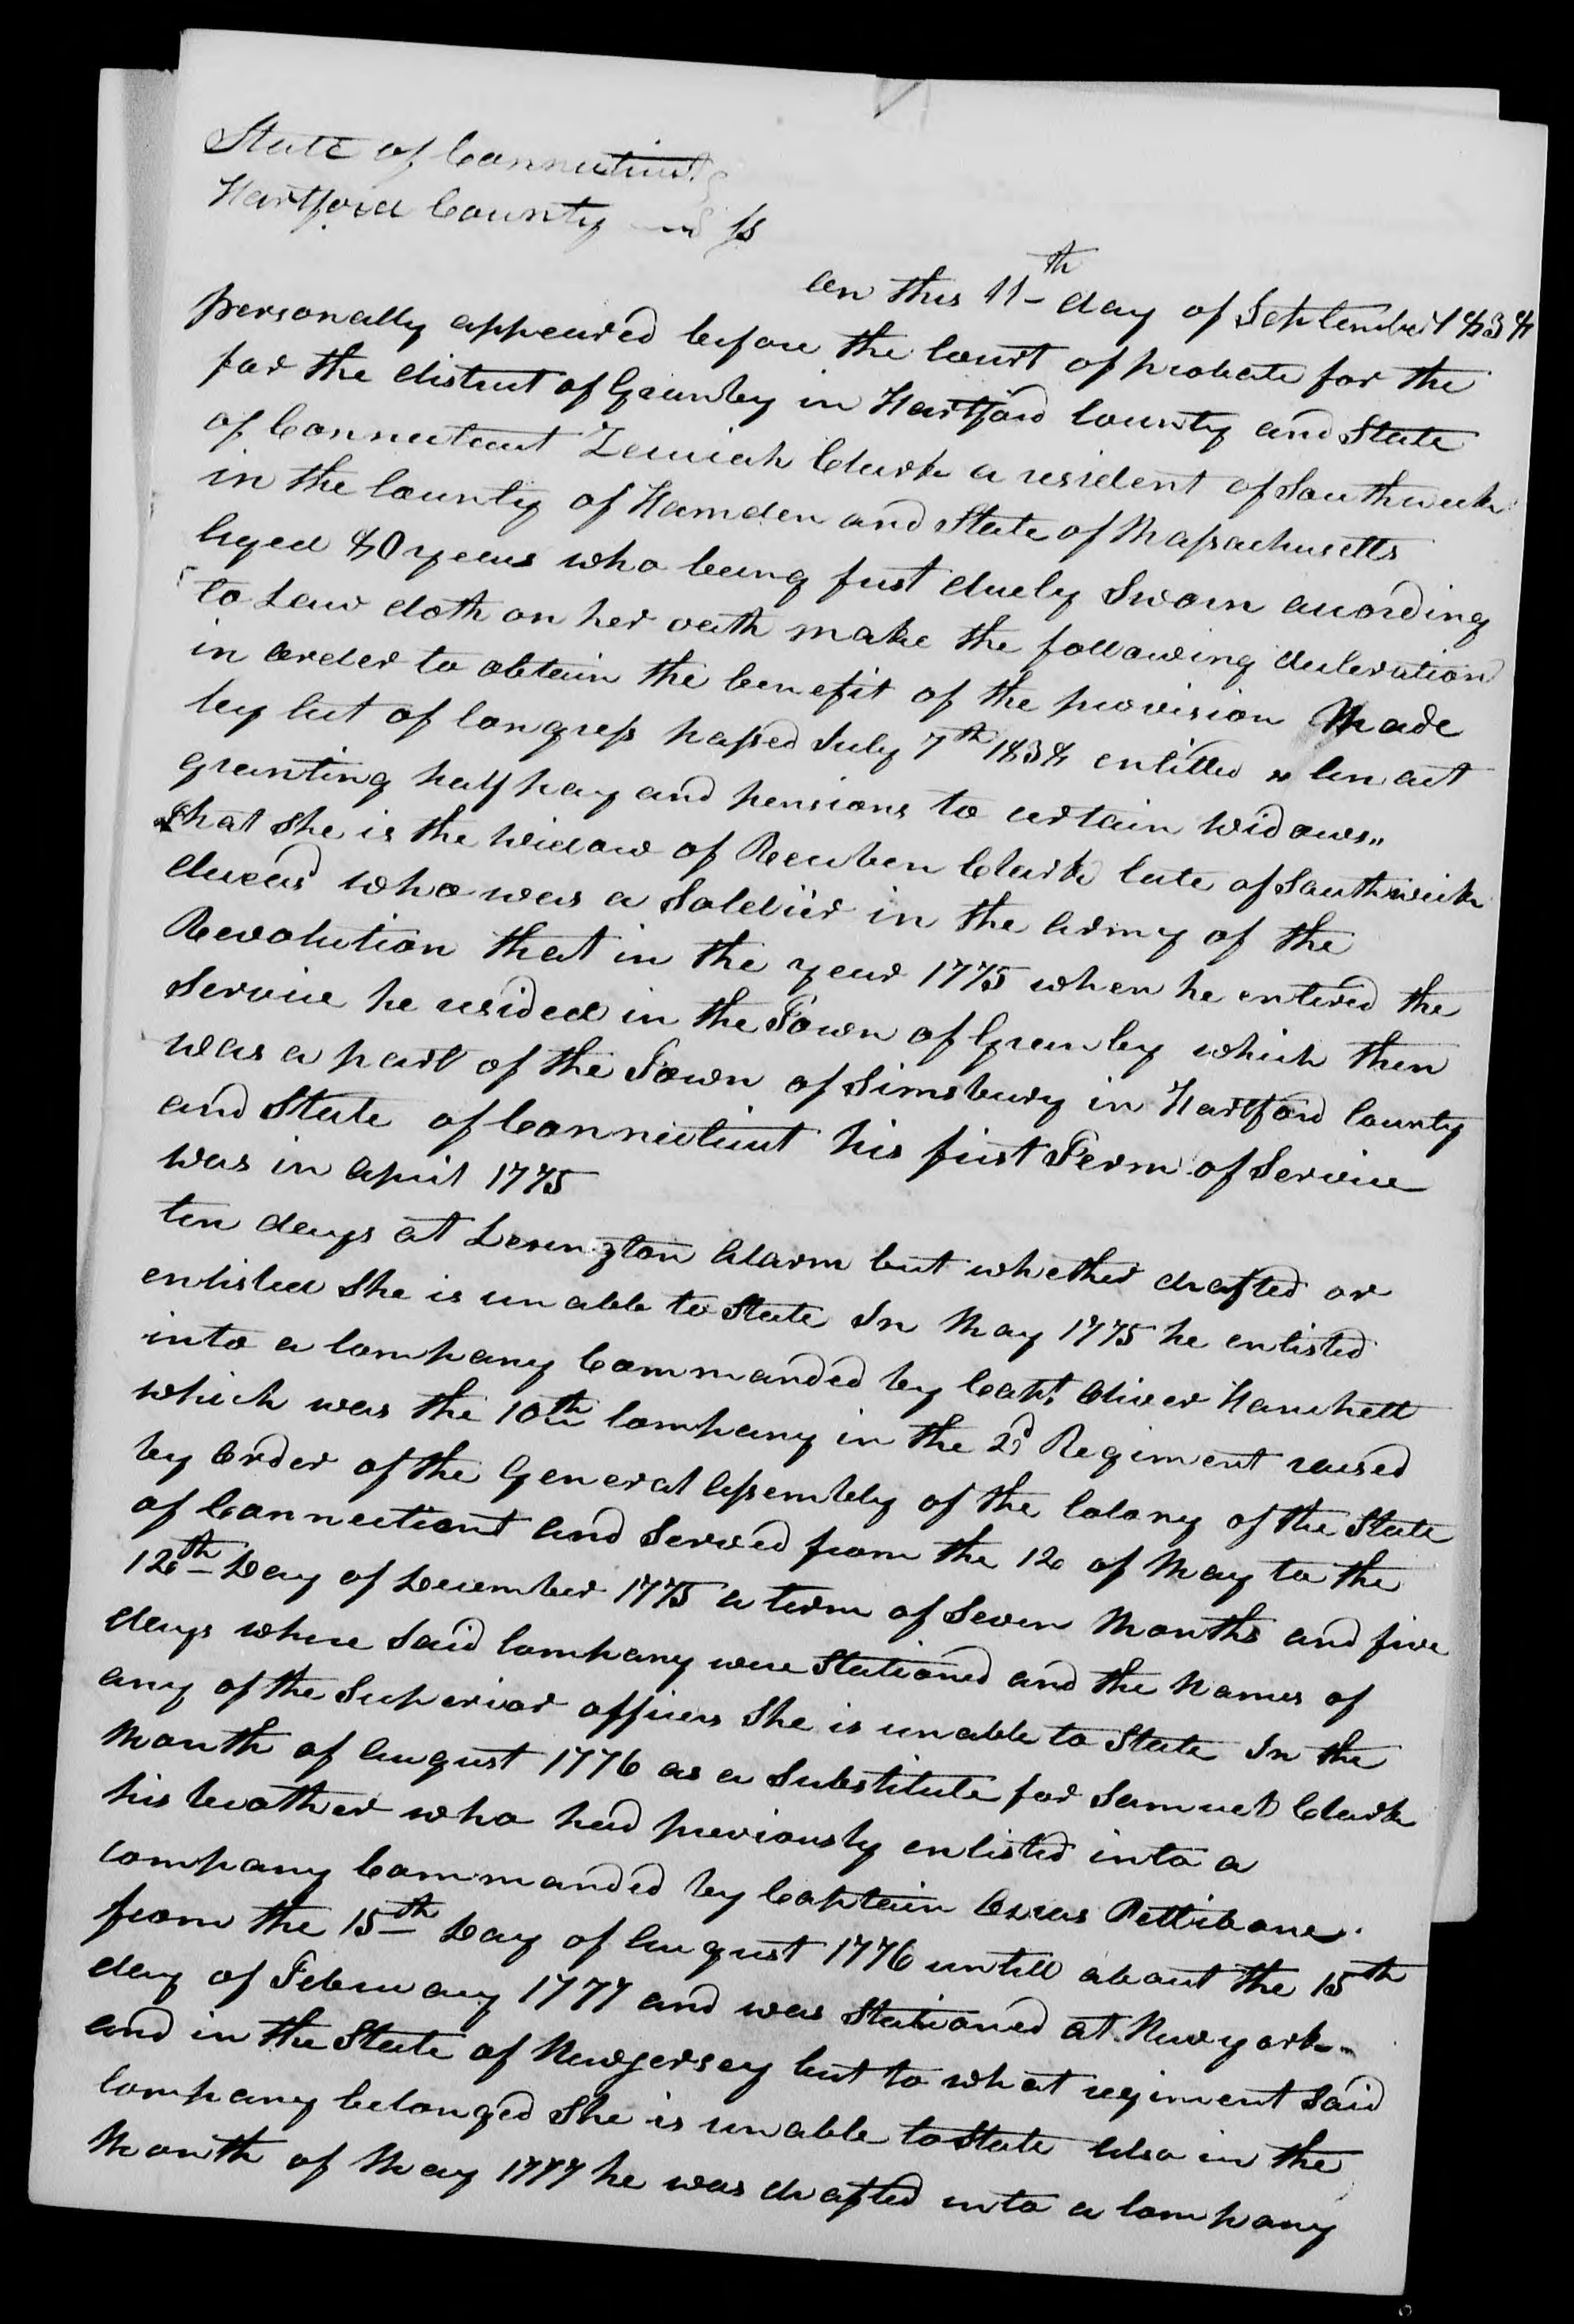[handwritten]
State of Connecticut
Hartford County } ss	
On this 11th day of September 1838 personally appeared before the Court of Probate for the fsd the district of Granby in Hartford County and State of Connecticut Zeuriah Clark a resident of Southwick in the County of Hamden and State of Massachusetts aged 80 years who being first duely Sworn according to Law doth on her oath make the following declaration in order to obtain the benefit of the provision made by Act of Congress passed July 7th 1838 entitle “An Act granting half pay and pensions to certain widows”  That she is the widow of Reuben Clark late of Southwick deceasd who was a Soldier in the Army of the Revolution that in the year 1775 when he entered the Service he resided in the Town of Granby which then was a part of the Town of Simsbury in Hartford County and State of Connecticut his first Term of Service was in April 1775
ten days at Lexington Alarm but whether drafted or enlisted she is unable to State  In May 1775 he enlisted into a Company Commanded by Capt. Oliver Hanchett which was the 10th Company in the 23d Regiment raised by Order of the General Assembly of the Colony of the State of Connecticut and Served from the 12 of May to the 12th Day of December 1775 a term of Seven Months and five days where said Company were Stationed and the names of any of the Superior officers She is unable to State  In the month of August 1776 as a Substitute for Samuel Clark his brother who had previously enlisted into a company Commanded by Captain Osias Pettibone from the 15th day of August 1776 untill about the 15th day of February 1777 and was Stationed at New York and in the State of New Jersey but to what regiment Said company belonged She is unable to State  [illegible] in the Month of May 1777 he was drafted into a Company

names: Zeruiah Clark, Reuben Clark, Samuel Clark, Osias Pettibone, Oliver Hanchett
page: 4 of 26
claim: widow's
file: W. 14483, Reuben Clark, Conn.